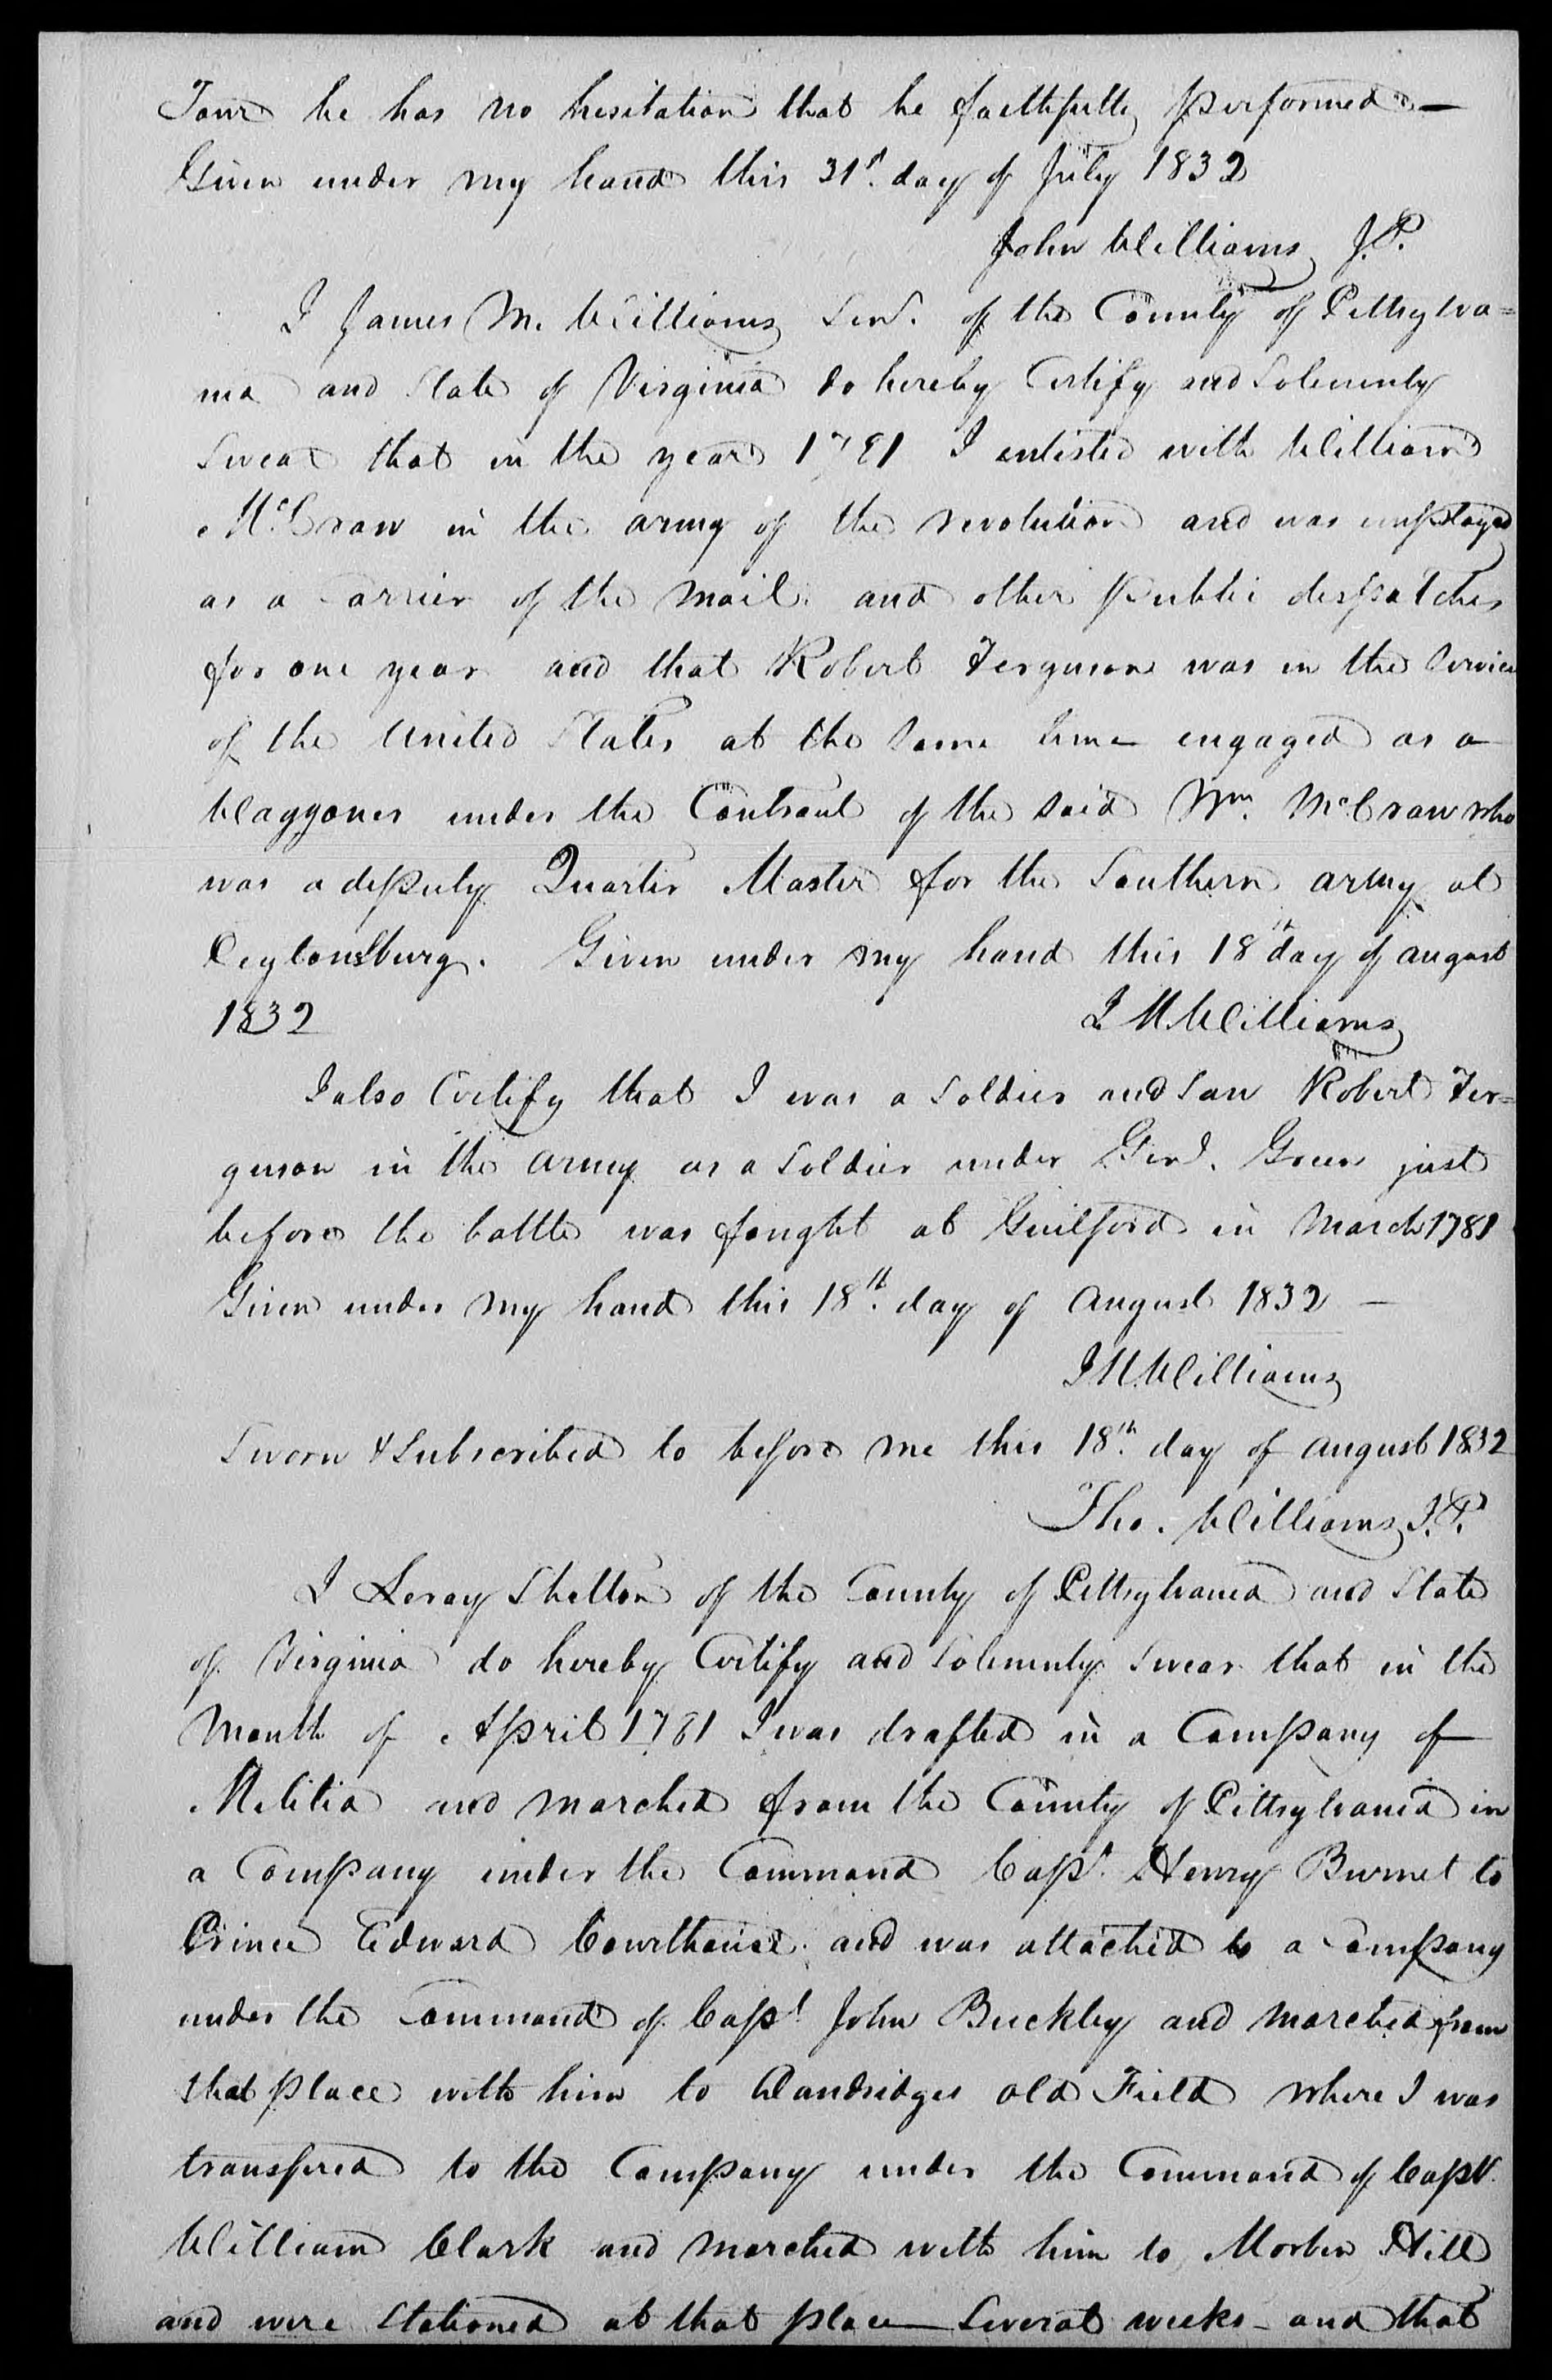Tour he has no hesitation that he faithfully performed - Given under my hand this 31st day of July 1832
John Williams, J.P.
I James M. Williams, Sen. of the County of Pittsylvania and State of Virginia do hereby Certify and Solemnly Swear that in the year 1781 I enlisted with Williams McGraw in the army of the revolution and was employed as a Carrier of the mail, and other public dispatches for one year and that Robert Ferguson was in the service of the United States at the same time engaged as a Waggoner under the Control of the said Wm. McGraw who was a deputy Quarter Master for the southern army at Peytonsburg. Given under my hand this 18th day of August 1832
J. M. Williams
I also Certify that I was a soldier and Saw Robert Ferguson in the army as a soldiier under Genl. Greene just before the battle was fought at Guilford in March 1781.
Given under my hand this 18th day of August 1832 - 
J. M. Williams
I Leray Shelton of the County of Pittsylvania and State of Virginia do hereby Certify and Solemnly Swear that in the month of April 1781 I was drafted in a Company of Militia and marched from the County of Pittsylvania in a Company under the Command Capt. Henry Burnet to Prince Edward courthouse and was attached to a Company under the Command of Capt. John Buckley and marched from that place with him to Dandridges old Field where I was transfered to the Company under the Command of Capt. William Clark and marched with him to Morben Hill and were stationed at that place several weeks - and that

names: Green, Wm Mc Craw, Tho Williams, James M Williams, Henry Burnet, J M Williams, John Williams, Robert Ferguson, William Clark, Waggoner, John Buckley, J M Williams, William Mc Craw, Robert Ferguson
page: 18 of 81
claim: widow's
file: W. 7262, Robert Ferguson, Va.